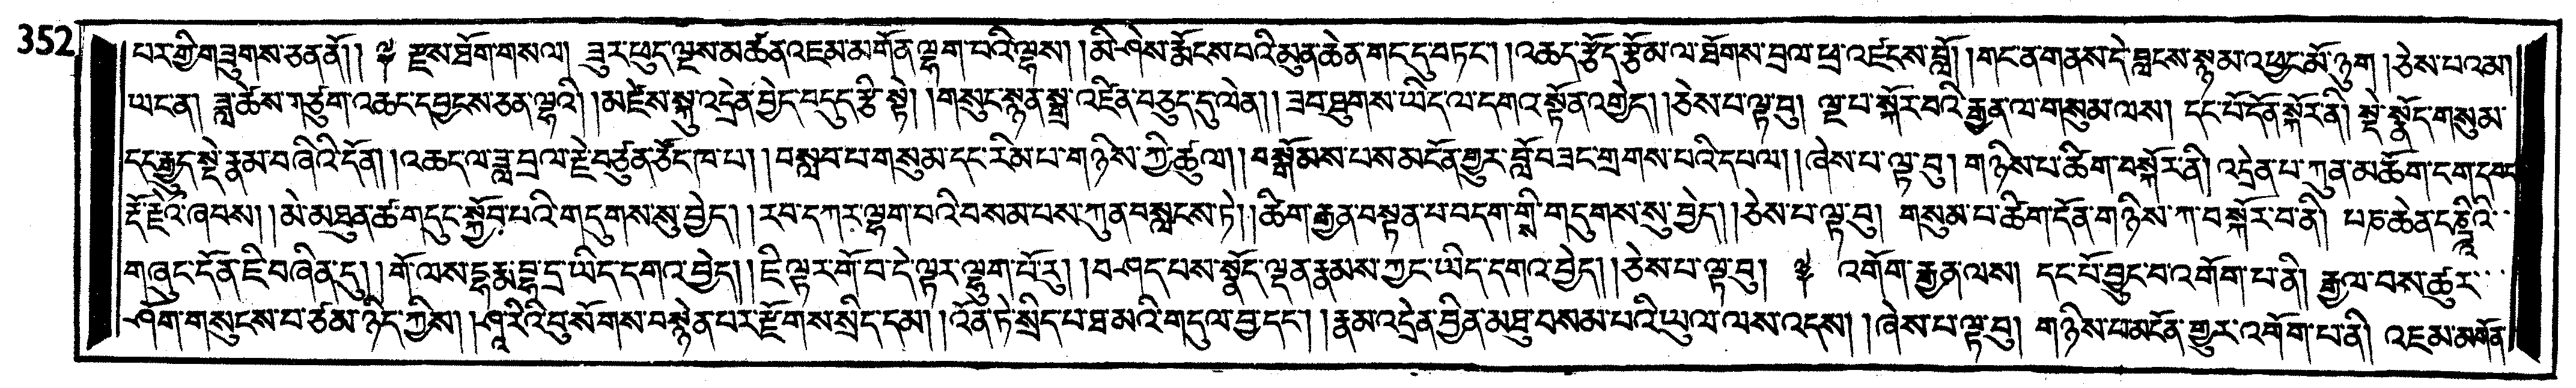པར་གྱི་གཟུགས་ཅན་ནོ།། འ་རྫས་ཐོག་གསལ། ཟུར་ཕུད་ལྔས་མཚན་འཇམ་མགོན་ལྷག་བའི་ལྷས། །མི་ཤེས་རྨོངས་བའི་མུན་ཆེན་གང་དུ་བཏང་། །འཆད་རྩོད་རྩོམ་ལ་ཐོགས་བྲལ་ཕྲ་འཛངས་བློ། །གང་ན་གནས་དེ་བླངས་སྙམ་འཕྱང་མོ་ཉུག །ཅེས་པའམ།
ཡང་ན། ཟླ་ཚེས་གཙུག་འཆང་དབྱངས་ཅན་ལྷའི། །མཛེས་སྐུ་འདྲེན་བྱེད་བདུད་རྩེ་སྟེ། །གསུང་སྙན་སྒྲ་འཛིན་བཅུད་དུ་ལེན། །ཟབ་ཐུགས་ཡིད་ལ་དགའ་སྟོན་འགྱེད། །ཅེས་པ་ལྟ་བུ། ལྔ་པ་སྐོར་བའི་རྒྱན་ལ་གསུམ་ལས། དང་པོ་དོན་སྐོར་ནི། སྡེ་སྣོད་གསུམ་
དང་རྒྱུད་སྡེ་རྣམ་བཞིའི་དོན། །འཆད་ལ་ཟླ་བྲལ་རྗེ་བཙུན་ཙོང་ཁ་པ། །བསླབ་པ་གསུམ་དང་རིམ་པ་གཉིས་ཀྱི་ཚུལ། །བསྒོམས་པས་མངོན་གྱུར་བློ་བཟང་གྲགས་པའི་དཔལ། །ཞེས་པ་ལྟ་བུ། གཉིས་པ་ཚིག་བསྐོར་ནི། འདྲེན་པ་ཀུན་མཆོག་ངག་དབང་
རྡོ་རྗེའི་ཞབས། །མེ་མཐུན་ཚ་གདུང་སྐྱོབ་པའི་གདུགས་སུ་བྱེད། །རབ་དཀར་ལྷག་པའི་བསམ་པས་ཀུན་བསླངས་ཏེ། །ཚིག་རྒྱན་བསྟན་པ་བདག་གིས་གདུགས་སུ་བྱེད། །ཅེས་པ་ལྟ་བུ། གསུམ་པ་ཚིག་དོན་གཉིས་ཀ་བསྐོར་བ་ནི། པཎ་ཆེན་ངཎྜཱིའི་
གཞུང་དོན་ཇི་བཞིན་དུ། །གོ་ལས་དྷརྨ་བྷ་དྲ་ཡིད་དགའ་བྱེད། །ཇི་ལྟར་གོ་བ་དེ་ལྟར་ལྷུག་པོ་རུ། །བཤད་པས་སྣོད་ལྡན་རྣམས་ཀྱང་ཡིད་དགའ་བྱེད། །ཅེས་པ་ལྟ་བུ། འ་འགོག་རྒྱན་ལས། དང་པོ་བྱུང་བ་འགོག་པ་ནི། རྒྱལ་བས་ཚུར་
ཤོག་གསུངས་པ་ཙམ་ཉིད་ཀྱིས། །ཤཱ་རིའི་བུ་སོགས་བསྙེན་པར་རྫོགས་སྲིད་དམ། །འོན་ཏེ་སྲིད་པ་ཐ་མའི་གདུལ་བྱ་དང་། །རྣམ་འདྲེན་བྱིན་མཐུ་བསམ་པའི་ཡུལ་ལས་འདས། །ཞེས་པ་ལྟ་བུ། གཉིས་པ་མངོན་གྱུར་འགོག་པ་ནི། འཇམ་མགོན་